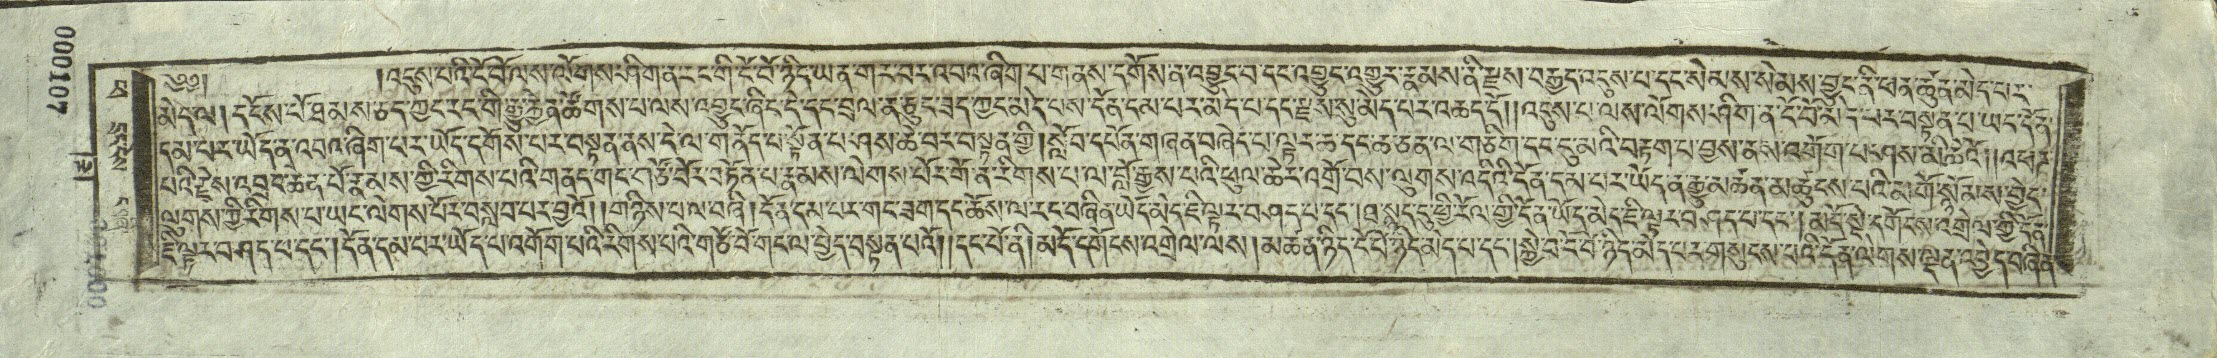༄༅། །འདུས་པའི་ངོ་བོ་ལས་ལོགས་ཤིག་ན་རང་གི་ངོ་བོ་ཉིད་ཡན་གར་བར་འབའ་ཞིག་པ་གནས་དགོས་ན་འབྱུང་བ་དང་འབྱུང་འགྱུར་རྣམས་ནི་རྫས་བརྒྱད་འདུས་པ་དང་སེམས་སེམས་བྱུང་ནི་ཕན་ཚུན་མེད་པར་
མེད་ལ། དངོས་པོ་ཐམས་ཅད་ཀྱང་རང་གི་རྒྱུ་རྐྱེན་ཚོགས་པ་ལས་འབྱུང་ཞིང་དེ་དང་བྲལ་ན་ཅུང་ཟད་ཀྱང་མེད་པས་དོན་དམ་པར་མེད་པ་དང་རྫས་སུ་མེད་པར་འཆད་དོ། །འདུས་པ་ལས་ལོགས་ཤིག་ན་ངོ་བོ་མེད་པར་བསྟན་པ་ཡང་དོན་
དམ་པར་ཡོད་ན་འབའ་ཞིག་པར་ཡོད་དགོས་པར་བསྟན་ནས་དེ་ལ་གནོད་པ་སྟོན་པ་ཤས་ཆེ་བར་བསྟན་གྱི། སློབ་དཔོན་གཞན་བཞེད་པ་ལྟར་ཆ་དང་ཆ་ཅན་ལ་གཅིག་དང་དུ་མའི་བརྟག་པ་བྱས་ནས་འགོག་པ་ཤས་མི་ཆེའོ། །འཕགས་
པའི་རྗེས་འབྲང་ཆེན་པོ་རྣམས་ཀྱི་རིགས་པའི་གནད་གང་གཙོ་བོར་བཏོན་པ་རྣམས་ལེགས་པོར་གོ་ན་རིགས་པ་ལ་བློ་རྒྱས་པའི་ཕུལ་ཆེར་འགྲོ་བས་ལུགས་འདིའི་དོན་དམ་པར་ཡོད་ན་རྒྱུ་མཚན་མཚུངས་པའི་མགོ་སྙོམས་བྱེད་
ལུགས་ཀྱི་རིགས་པ་ཡང་ལེགས་པོར་བསླབ་པར་བྱའོ། །གཉིས་པ་ལ་བཞི། དོན་དམ་པར་གང་ཟག་དང་ཆོས་ལ་རང་བཞིན་ཡོད་མེད་ཇི་ལྟར་བཤད་པ་དང་། ཐ་སྙད་དུ་ཕྱི་རོལ་གྱི་དོན་ཡོད་མེད་ཇི་ལྟར་བཤད་པ་དང་། མདོ་སྡེ་དགོངས་འགྲེལ་གྱི་དོན་
ཇི་ལྟར་བཤད་པ་དང་། དོན་དམ་པར་ཡོད་པ་འགོག་པའི་རིགས་པའི་གཙོ་བོ་གང་ལ་བྱེད་བསྟན་པའོ། །དང་པོ་ནི། མདོ་དགོངས་འགྲེལ་ལས། མཚན་ཉིད་ངོ་བོ་ཉིད་མེད་པ་དང་། སྐྱེ་བ་ངོ་བོ་ཉིད་མེད་པར་གསུངས་པའི་དོན་ལེགས་ལྡན་འབྱེད་བཞིན་